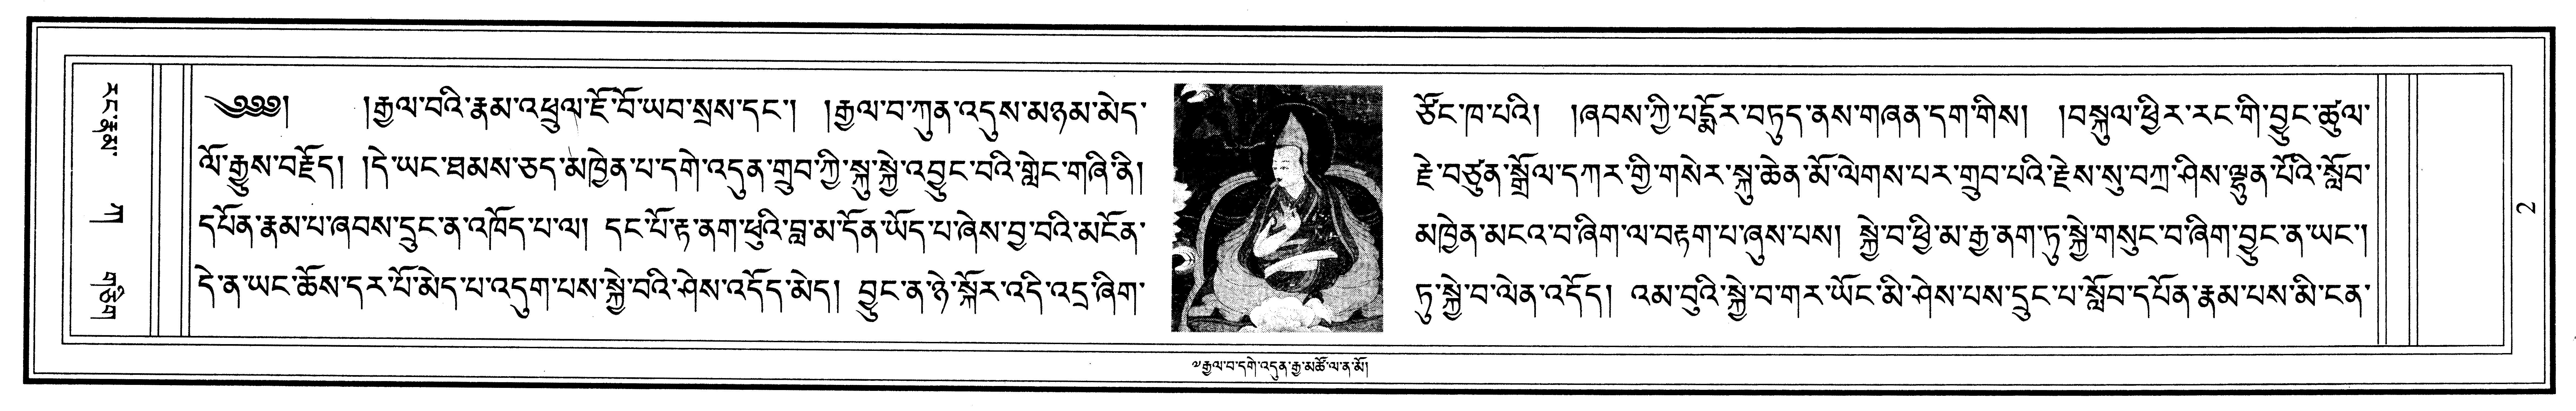༄༅༅། །རྒྱལ་བའི་རྣམ་འཕྲུལ་ཇོ་བོ་ཡབ་སྲས་དང་། །རྒྱལ་བ་ཀུན་འདུས་མཉམ་མེད་ཙོང་ཁ་པའི། །ཞབས་ཀྱི་པདམོར་བཏུད་ནས་གཞན་དག་གིས། །བསྐུལ་ཕྱིར་རང་གི་བྱུང་ཚུལ་
ལོ་རྒྱུས་བརྗོད། །དེ་ཡང་ཐམས་ཅད་མཁྱེན་པ་དགེ་འདུན་གྲུབ་ཀྱི་སྐུ་སྐྱེ་འབྱུང་བའི་གླེང་གཞི་ནི། རྗེ་བཙུན་སྒྲོལ་དཀར་གྱི་གསེར་སྐུ་ཆེན་མོ་ལེགས་པར་གྲུབ་པའི་རྗེས་སུ་བཀྲ་ཤིས་ལྷུན་པོའི་སློབ་
དཔོན་རྣམ་པ་ཞབས་དྲུང་ན་འཁོད་པ་ལ། དང་པོ་རྟ་ནག་ཕུའི་བླ་མ་དོན་ཡོད་པ་ཞེས་བྱ་བའི་མངོན་མཁྱེན་མངའ་བ་ཞིག་ལ་བརྟག་པ་ཞུས་པས། སྐྱེ་བ་ཕྱི་མ་རྒྱ་ནག་ཏུ་སྐྱེ་གསུང་བ་ཞིག་བྱུང་ན་ཡང་།
དེ་ན་ཡང་ཆོས་དར་པོ་མེད་པ་འདུག་པས་སྐྱེ་བའི་ཤེས་འདོད་མེད། བྱུང་ན་ཉེ་སྐོར་འདི་འདྲ་ཞིག་ཏུ་སྐྱེ་བ་ལེན་འདོད། འམ་བུའི་སྐྱེ་བ་གར་ཡོང་མི་ཤེས་པས་དྲུང་པ་སློབ་དཔོན་རྣམ་པས་མི་ངན་